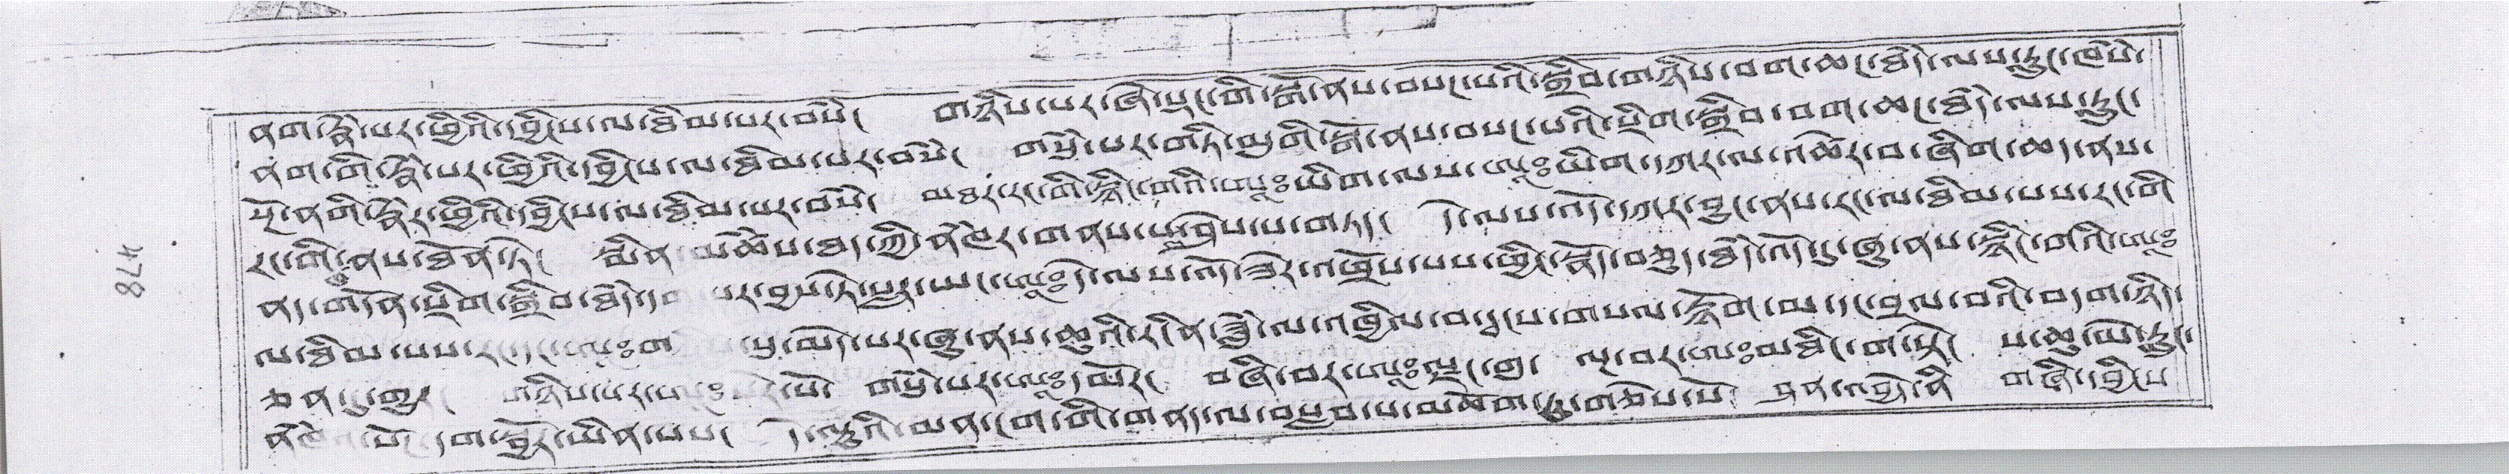རྣམ་པར་ཕྱིའི་དབྱིངས་ལ་ཐིམ་པར་བསམ། གཉིས་པར་ཞེ་སྡང་གི་སྒོ་ནས་བསགས་པའི་སྒྲིབ་གཉིས་བག་ཆགས་ཐམས་ཅད་ལས་རླུང་ཁམས་
ནག་གི་རྣམ་པར་ཕྱིའི་དབྱིངས་ལ་ཐིམ་པར་བསམ། གསུམ་པར་གཏི་མུག་གི་སྒོ་ནས་བསགས་པའི་སྡིག་སྒྲིབ་བག་ཆགས་ཐམས་ཅད་ལས་རླུང་
སྔོ་ནག་གི་རྣམ་པར་ཕྱིའི་དབྱིངས་ལ་ཐིམ་པར་བསམ། མཐར་རང་གི་སྙིང་གའི་ཨཱཿཡིག་ལས་ཨཱཿཡིག་དཀར་ལ་འཚེར་བ་ཞིག་ཆད་ནས་
རང་གི་ཁ་ནས་ཐོན་ཏེ། སྨིན་མཚམས་ཐད་ཀྱི་ནམ་མཁར་གནས་པ་ཤེས་པ་གཏད། དེ་ལས་འོད་དཀར་བྱུང་ནས་རང་ལ་ཐིམ་པས་རང་གི་
ནད་གདོན་སྡིག་སྒྲིབ་ཐམས་ཅད་དག་པར་བྱས་ཏེ་སླར་ཡང་ཨཱཿདེ་ལས་འོད་ཟེར་འཕྲོས་པས་ཕྱི་ནང་སྣོད་བཅུད་ཐམས་ཅད་འོད་དུ་ཞུ་ནས་སྙིང་གའི་ཨཱཿ
ལ་ཐིམ་རང་དང་ཨཱཿགཉིས་སུ་མེད་པར་ཞུ་ནས་ཆུ་ཡི་རང་བཞིན་ཟླུམ་ལ་འཁྱིལ་བ་དྭངས་གསལ་རྙོག་མ་དང་བྲལ་བའི་བདག་ཉིད་
ཅན་དུ་གྱུར། གཉིས་པར་ཨཱཿསེར་པོ། གསུམ་པར་ཨཱཿདམར་པོ། བཞི་པར་ཨཱཿལྗང་ཁུ། ལྔ་པར་ཨཱཿམཐིང་ག་སྟེ། ས་ཆུ་མེ་རླུང་
ནམ་མཁའ་སོགས་དག་སྦྱོར་ཡིན་པས། དེ་ལྟ་བུའི་མན་ངག་གི་གནད་ལ་བསླབ་པ་མཆོག་ཏུ་གཅེས་སོ། ཤན་འབྱེད་ནི། གཞི་དབྱིངས་